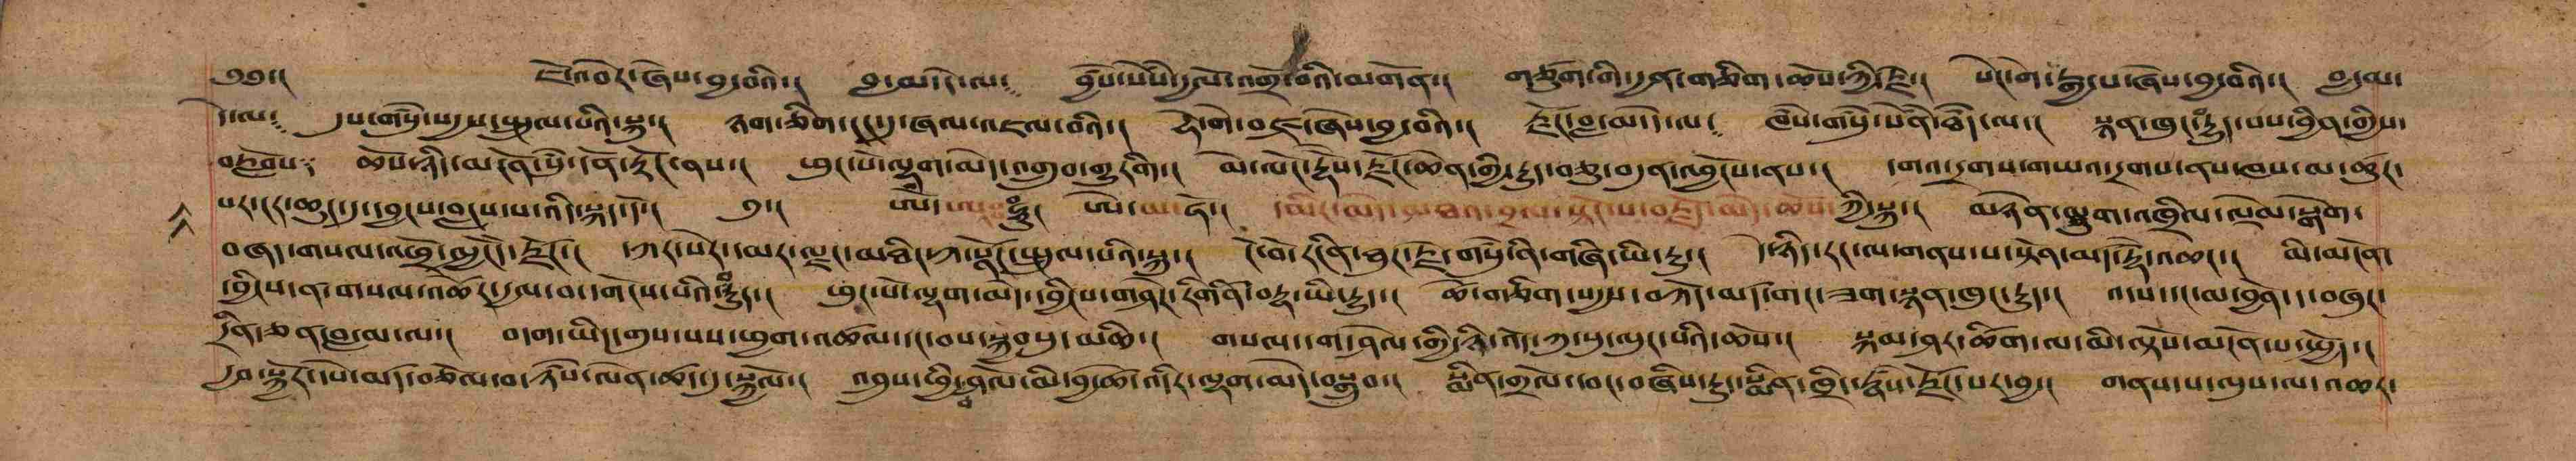༄༅་། ཇོ་འབེར་ཞེས་བྱ་བའི། བླ་མ་དེ་ལ་ཕྱག་འཚལ་ལོ། བྱམས་སེམས་རྒྱལ་པོ་འགྲོ་བའི་མགོན། གཙུག་གི་རྒྱན་གཅིག་ཆོས་ཀྱི་སྐུ། སེང་གེ་རྒྱ་པ་ཞེས་བྱ་བའི། བླ་མ་
དེ་ལ་ཕྱག་འཚལ་ལོ། དུས་གསུམ་སངས་རྒྱས་སྤྲུལ་པའི་སྐུ། ཉག་ཅིག་ངང་དུ་ཞལ་མཇལ་བའི། ཧེ་གེ་བཛྲ་ཞེས་བྱ་བའི། རྫོགས་ཆེན་བླ་མ་དེ་ལ་ཕྱལ་འཚལ་ལོ། ཁམས་གསུམ་སེམས་ཅན་ཐམས་ཅད་ལ། སྙན་ཁུང་རྒྱུད་པས་བྱིན་གྱིས་
བརློབས། ཆོས་ཉིད་མངོན་སུམ་དོན་རྟོགས་ནས། ཕུང་པོ་ལྷག་མེད་འགྲུབ་འགྱུར་ཅིག། མེ་ལོང་རྡོ་རྗེས་རྫོགས་ཆེན་གྱི་དྱུད་ཅུ་བདུན་འབྱོངས་ནས། དགའ་དྲགས་གཡའ་དྲགས་ནས་ཁས་མ་ཚུད་
པར་ངར་ཆུད་དུ་དབྱངས་འདི་སྐད་དོ། ༄་། ཨོཾ་ཨཿཧཱུཾ། ཨེ་མ་ཧོ། དམིགས་མེད་མཐའ་བྲལ་སྟོང་པ་བརྗོད་མེད་ཆོས་ཀྱི་སྐུ། མཉེན་ལྕུག་འཁྲིལ་ལྡེམ་སྒོག་
བཞད་གསལ་འཕྲོ་ལོང་སྤྱོད་རྫོགས། དཀར་སེར་དམར་ལྗང་མཐིང་ཀ་སྣ་ཚོགས་སྤྲུལ་པའི་སྐུ། ངོ་བོ་རང་བཞིན་ཐུགས་རྗེ་གསུམ་ནི་གཞི་ཡི་དྱུ། དེ་ཉིད་རང་ལ་གནས་པ་སྟེན་མཛད་རྡོ་རྗེ་འཆང་། མི་མངོན་
དབྱིངས་ནས་གསལ་འཚེར་རྒྱལ་བ་དགོངས་པའི་དྱུད། ཕུངས་པོ་ལྷག་མེད་དབྱིངས་གཤེགས་རིག་འཛིན་བརྡ་ཡི་དྱུད། ཚེ་གཅིག་སངས་རྒྱས་བཀོད་མཛད་གང་ཟག་སྙན་ཁུང་དྱུད། འདས་དང་མ་བྱོན་ད་བཞུགས་
དྲིན་ཅན་བླ་མ་ལ། བདག་ཡིད་གུས་པས་ཕྱག་འཚལ་དང་བས་སྐྱབས་སུ་མཆི། གསལ་དག་ཤེལ་གྱི་ཉི་འོད་ཀུ་སུ་ལུང་པའི་ཆོས། སྙམ་ཤར་ཚིག་ལ་མི་ལྟོས་མངོན་པ་སྤྱོད། 
རྒྱབ་སྐྱོར་ཡེ་མཛད་བཅོལ་བ་ཉམས་ལེན་ཚད་དུ་སྐྱོལ། འབྲས་བུ་ཕྱི་བ་ཤེལ་མི་བྱ་ཚེ་འདིར་ལྷག་མེད་བསྒྲུབ། སྨིན་གྲོལ་དབང་བཞིས་དྱུད་སྨིན་ཁྲིད་རྣམས་རྫོགས་པར་བྱ། གནས་པ་ལུས་ལ་འཆར་